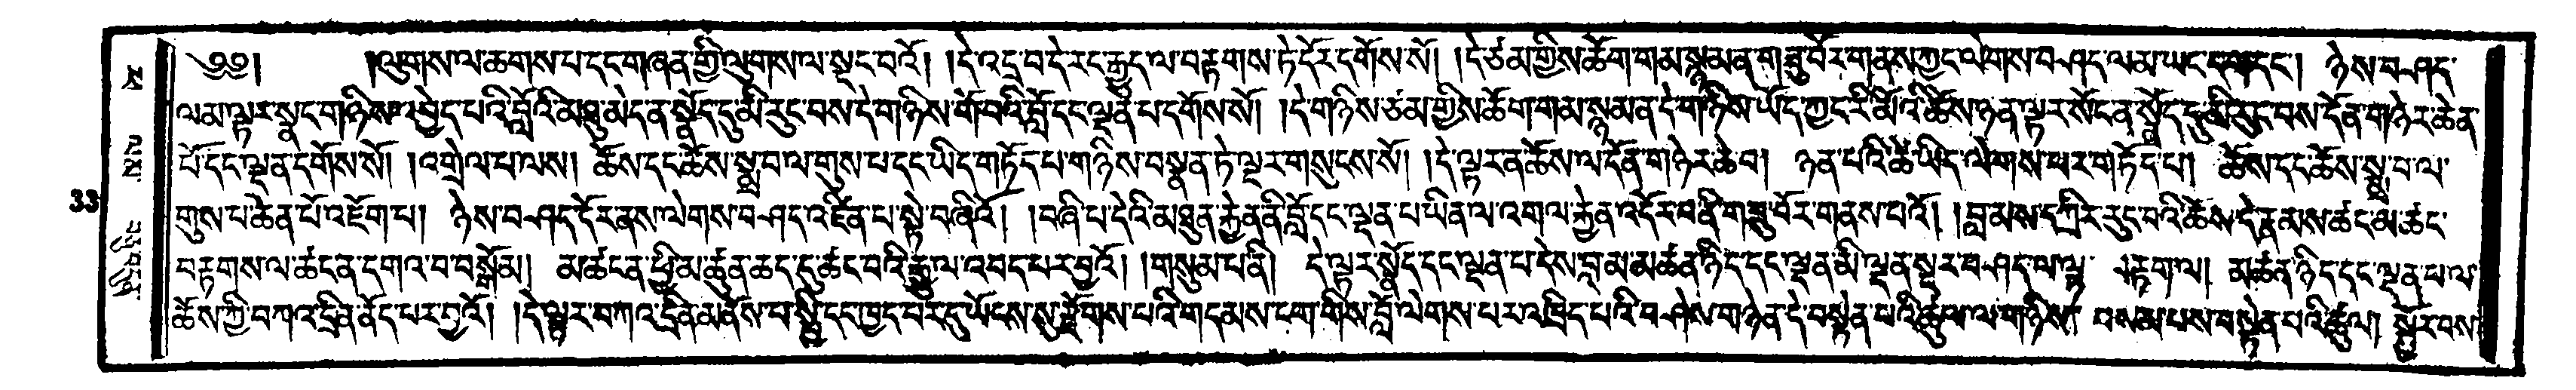༄༅། །ལུགས་ལ་ཆགས་པ་དང་གཞན་གྱི་ལུགས་ལ་སྡང་བའོ། །དེ་འདྲ་བ་དེ་རང་རྒྱུད་ལ་བརྟགས་ཏེ་དོར་དགོས་སོ། །དེ་ཙམ་གྱིས་ཆོག་གམ་སྙན་ན་གཟུ་བོར་གནས་ཀྱང་ལེགས་བཤད་ལམ་ཡང་དག་དང་། ཉེས་བཤད་
ལམ་ལྟར་སྣང་གཉིས་འབྱེད་པའི་བློའི་མཐུ་མེད་ན་སྣོད་དུ་མི་རུང་བས་དེ་གཉིས་གོ་བའི་བློ་དང་ལྡན་པ་དགོས་སོ། །དེ་གཉིས་ཙམ་གྱིས་ཆོག་གམ་སྙམ་ན་དེ་གཉིས་ཡོད་ཀྱང་རི་མོའི་ཆོས་ཉན་ལྟར་སོང་ན་སྣོད་དུ་མི་རུང་བས་དོན་གཉེར་ཆེན་
པོ་དང་ལྡན་དགོས་སོ། །འགྲེལ་པ་ལས། ཆོས་དང་ཆོས་སྨྲ་བ་ལ་གུས་པ་དང་ཡིད་གཏོད་པ་གཉིས་བསྣན་ཏེ་ལྔར་གསུངས་སོ། །དེ་ལྟར་ན་ཆོས་ལ་དོན་གཉེར་ཆེ་བ། ཉན་པའི་ཚེ་ཡིད་ལེགས་པར་གཏོད་པ། ཆོས་དང་ཆོས་སྨྲ་པ་ལ་
གུས་པ་ཆེན་པོ་འཇོག་པ། ཉེས་བཤད་དོར་ནས་ལེགས་བཤད་འཛིན་པ་སྟེ་བཞིའོ། །བཞི་པ་དེའི་མཐུན་རྐྱེན་ནི་བློ་དང་ལྡན་པ་ཡིན་ལ་འགལ་རྐྱེན་འདོར་བ་ནི་གཟུ་བོར་གནས་པའོ། །བླ་མས་དཀྲིར་རུང་བའི་ཆོས་དེ་རྣམས་ཚང་མ་ཚང་
བརྟགས་ལ་ཚང་ན་དགའ་བ་བསྒོམ། མཚང་ན་ཕྱི་མ་ཚུན་ཆད་དུ་ཚང་བའི་རྒྱུ་ལ་འབད་པར་བྱའོ། །གསུམ་པ་ནི། དེ་ལྟར་སྣོད་དང་ལྡན་པ་དེས་བླ་མ་མཚན་ཉིད་དང་ལྡན་མི་ལྡན་སྔར་བཤད་པ་ལྟ་།རྟག་ལ། མཚན་ཉིད་དང་ལྡན་པ་ལ་
ཆོས་ཀྱི་བཀའ་དྲིན་ནོད་པར་བྱའོ། །དེ་ལྟར་བཀའ་དྲིན་མནོས་པ་སྦྱི་དང་ཁྱད་པར་དུ་ཡོངས་སུ་རྫོགས་པའི་གདམས་ངག་གིས་བློ་ལེགས་པར་འཁྲིད་པའི་བཤེས་གཉེན་དེ་བསྟེན་པའི་ཚུལ་ལ་གཉིས། བསམ་པས་བསྟེན་པའི་ཚུལ། སྦྱོར་བས་